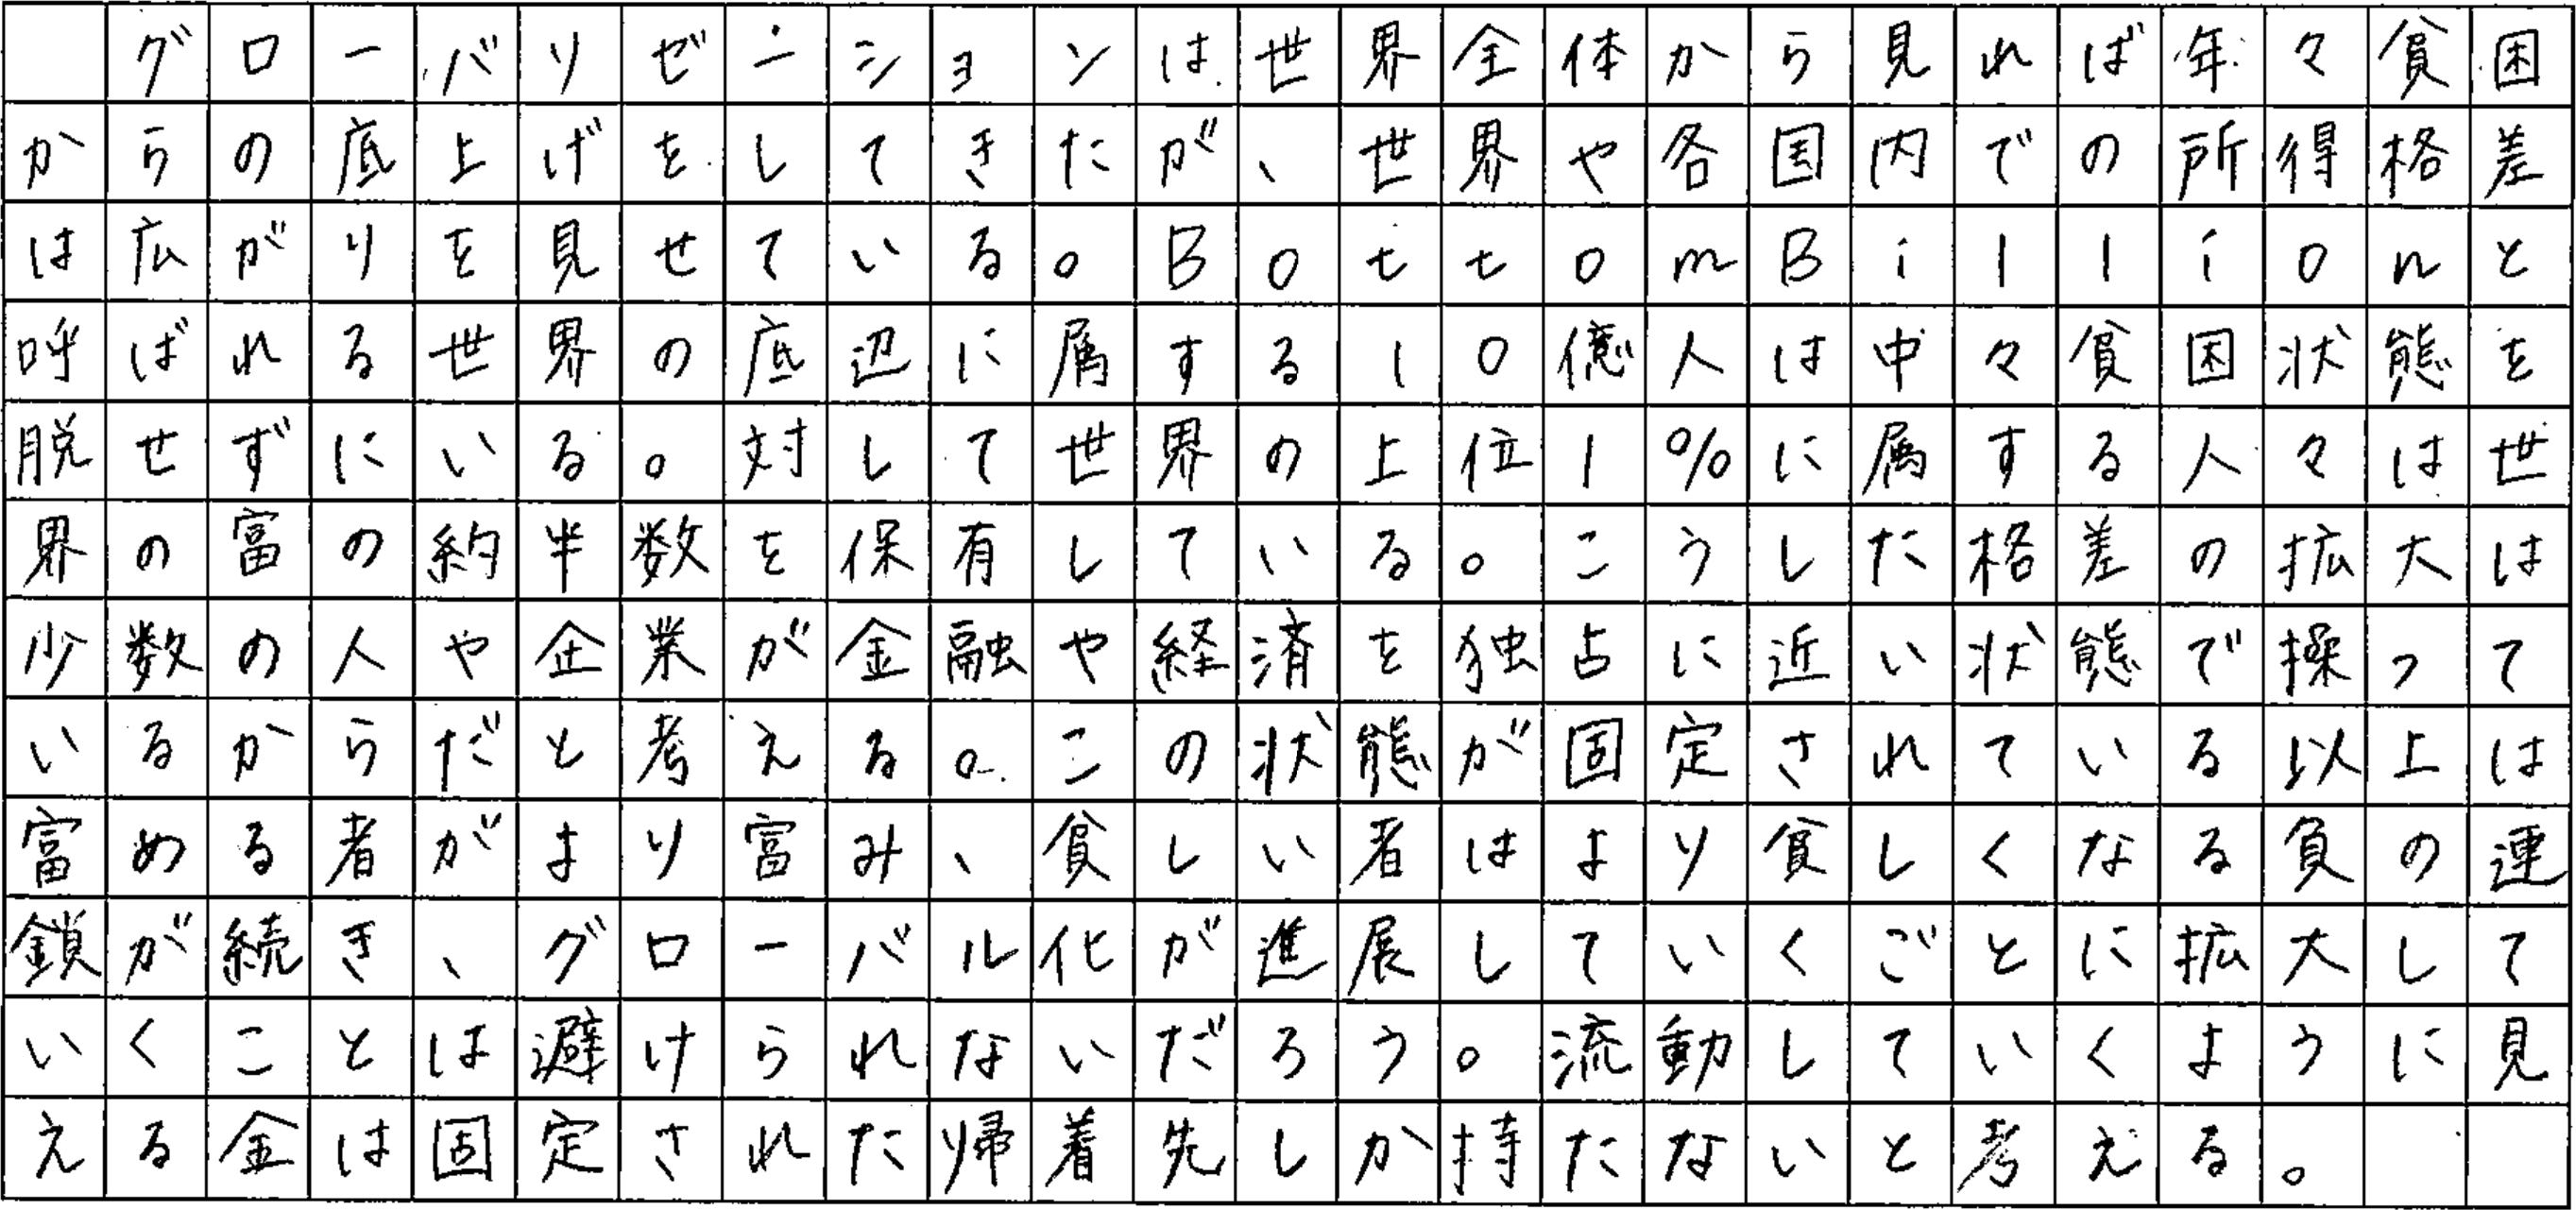　グローバリゼーションは世界全体から見れば年々貧困からの底上げをしてきたが、世界や各国内での所得格差は広がりを見せている。ＢｏｔｔｏｍＢｉｌｌｉｏｎと呼ばれる世界の底辺に属する１０億人は中々貧困状態を脱せずにいる。対して世界の上位１％に属する人々は世界の富の約半数を保有している。こうした格差の拡大は少数の人や企業が金融や経済を独占に近い状態で操っているからだと考える。この状態が固定されている以上は富める者がより富み、貧しい者はより貧しくなる負の連鎖が続き、グローバル化が進展していくごとに拡大していくことは避けられないだろう。流動していくように見える金は固定された帰着先しか持たないと考える。
